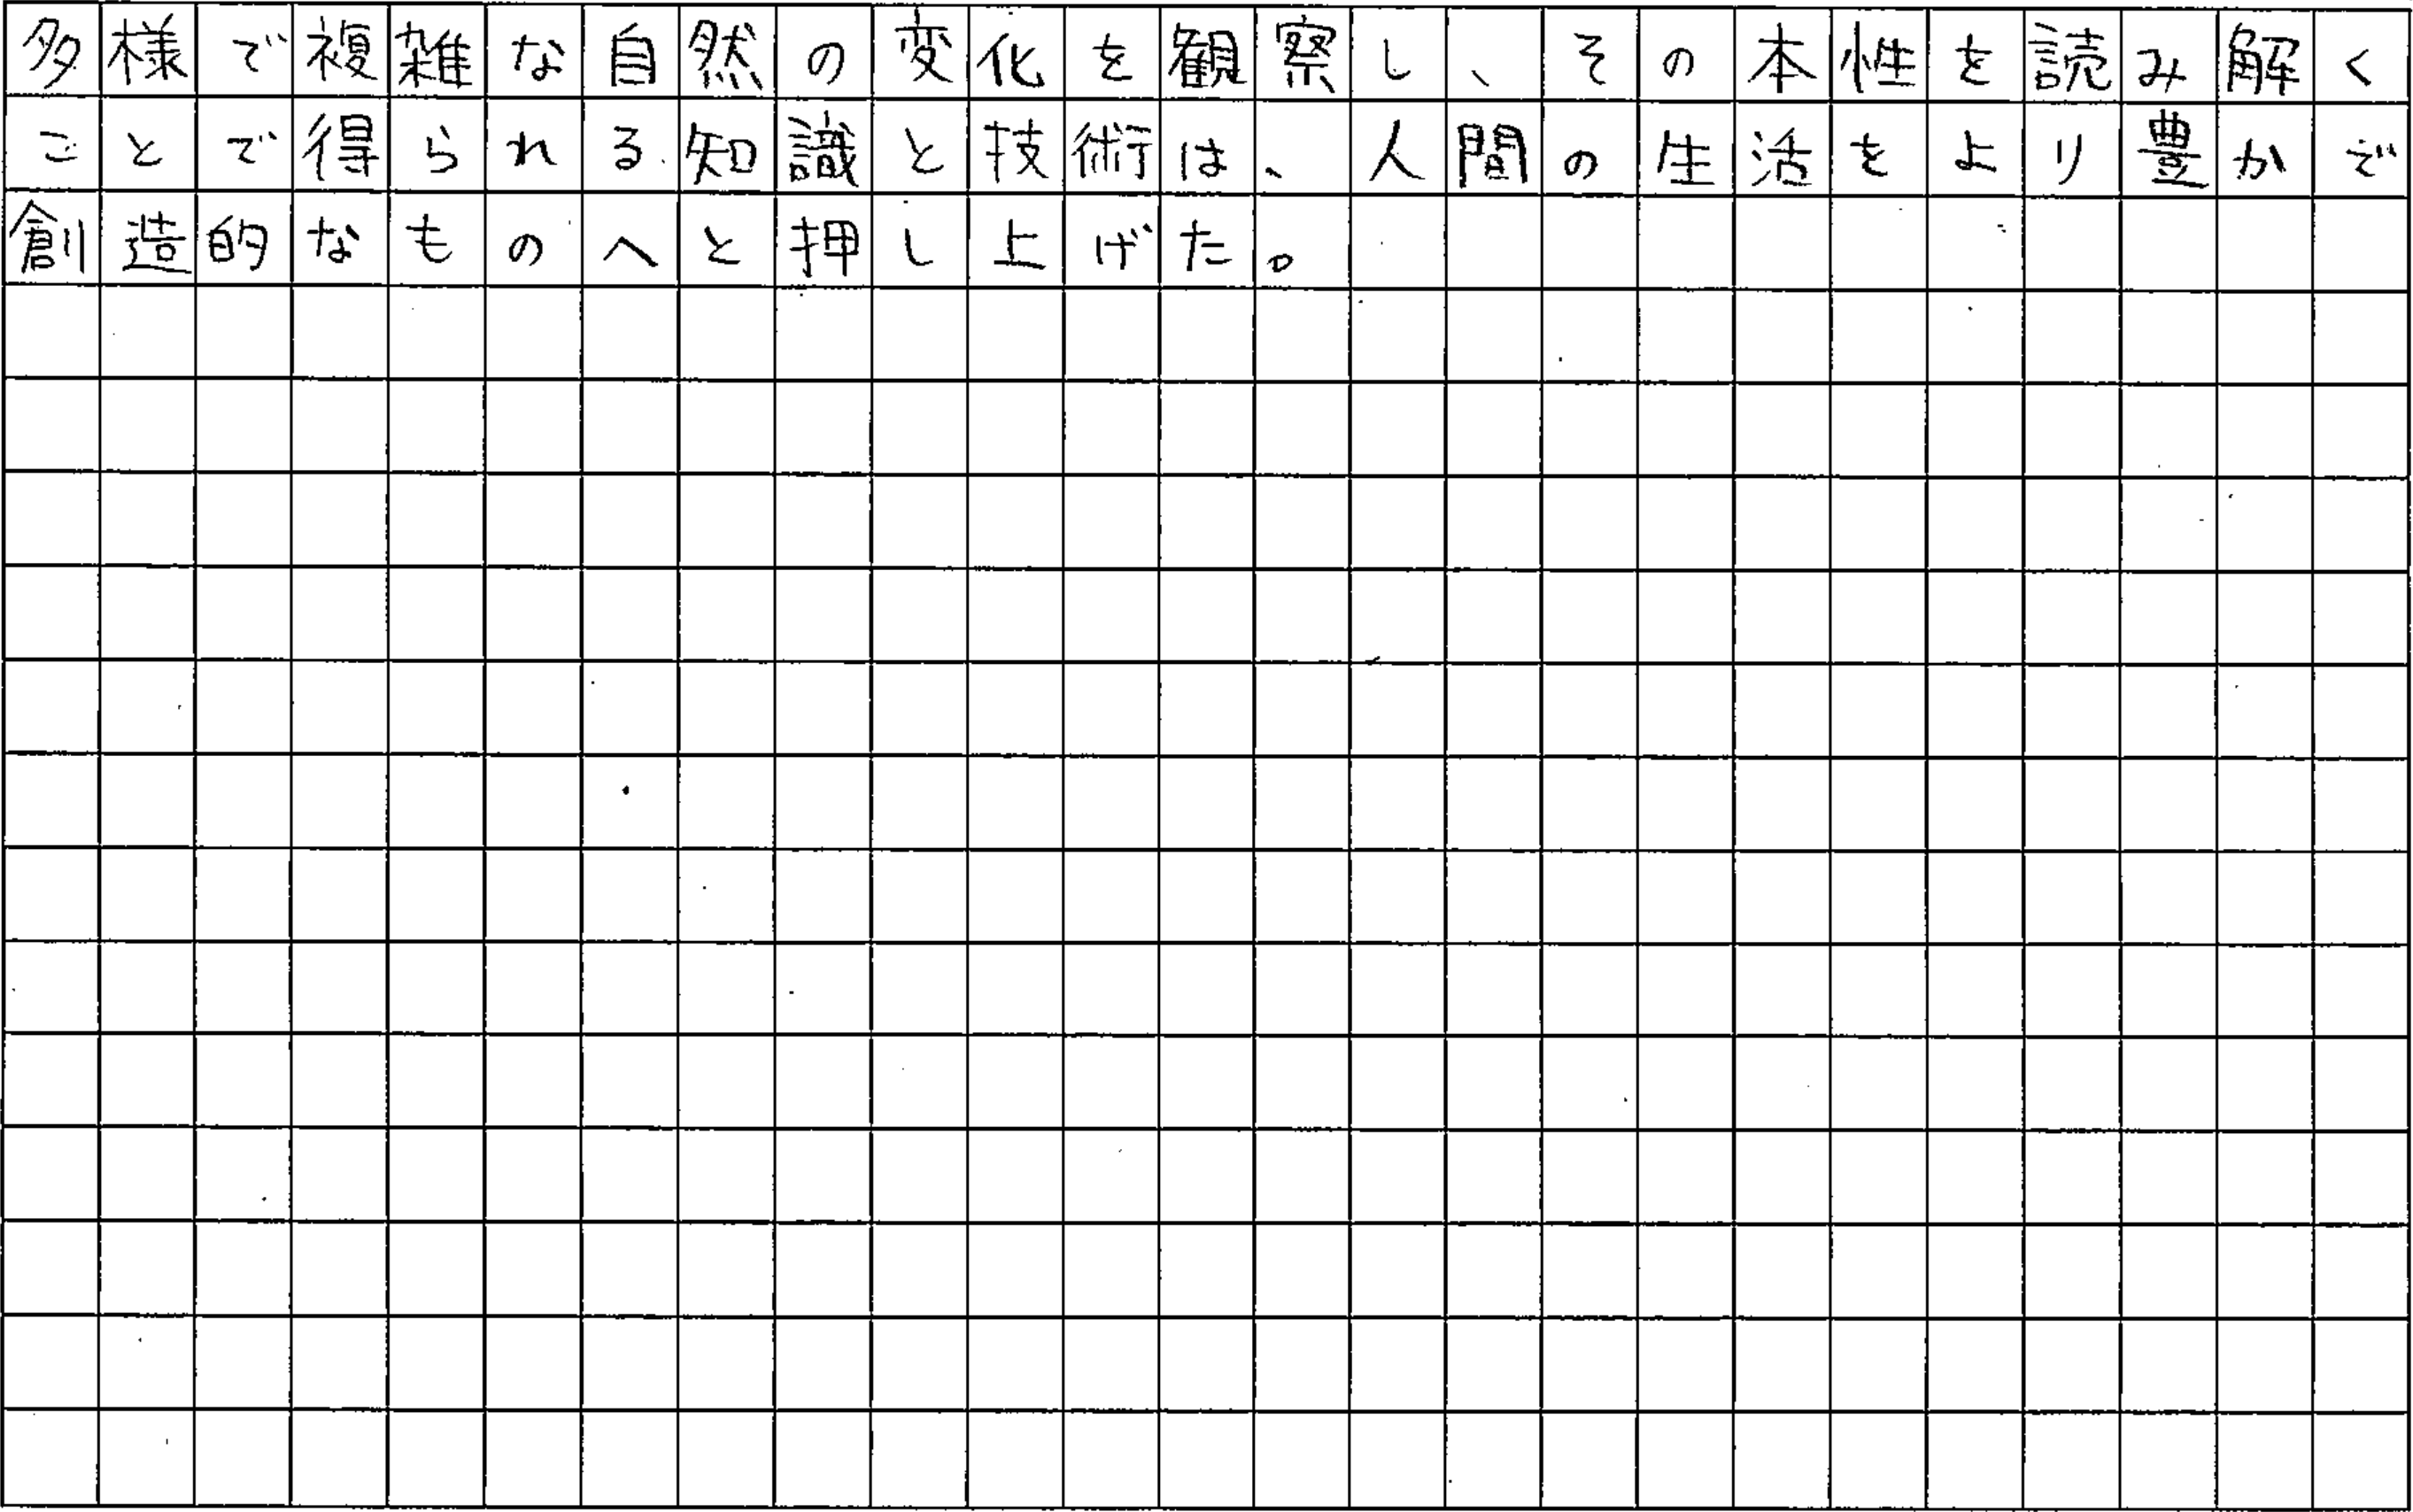多様で複雑な自然の変化を観察し、その本性を読み解くことで得られる知識と技術は、人間の生活をより豊かで創造的なものへと押し上げた。
